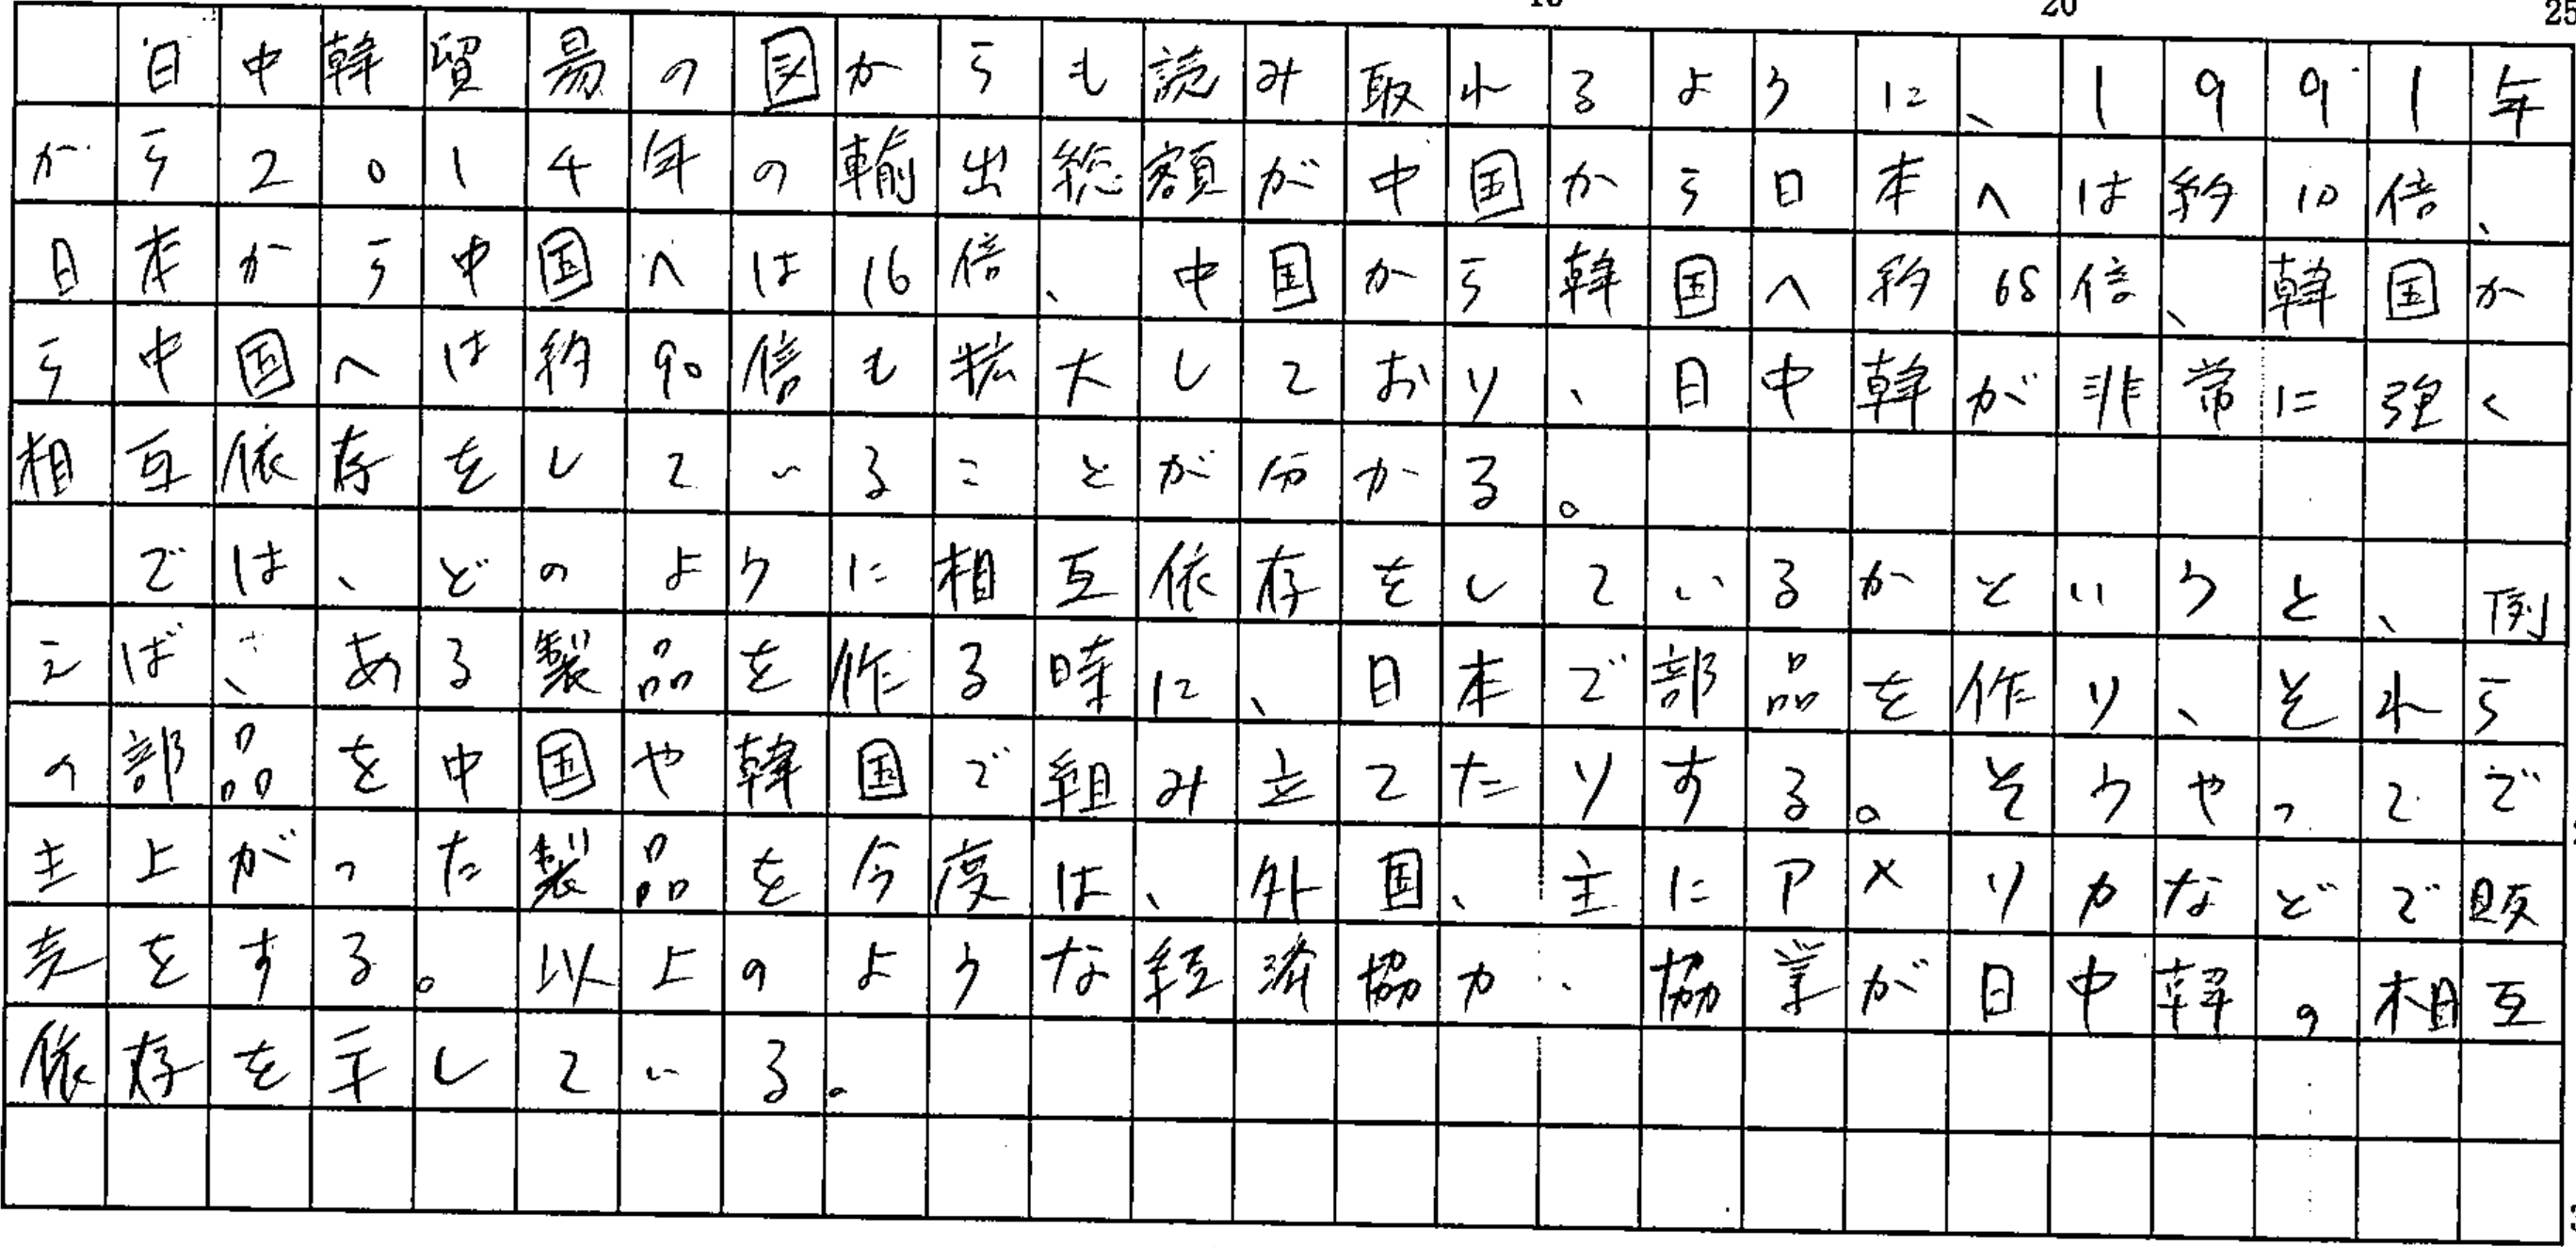　日中韓貿易の図からも読み取れるように、１９９１年から２０１４年の輸出総額が中国から日本へは約10倍、日本から中国へは16倍、中国から韓国へ約68倍、韓国から中国へは約90倍も拡大しており、日中韓が非常に強く相互依存をしていることが分かる。
　では、どのように相互依存をしているかというと、例えば、ある製品を作る時に、日本で部品を作り、それらの部品を中国や韓国で組み立てたりする。そうやってでき上がった製品を今度は、外国、主にアメリカなどで販売をする。以上のような経済協力、協業が日中韓の相互依存を示している。
